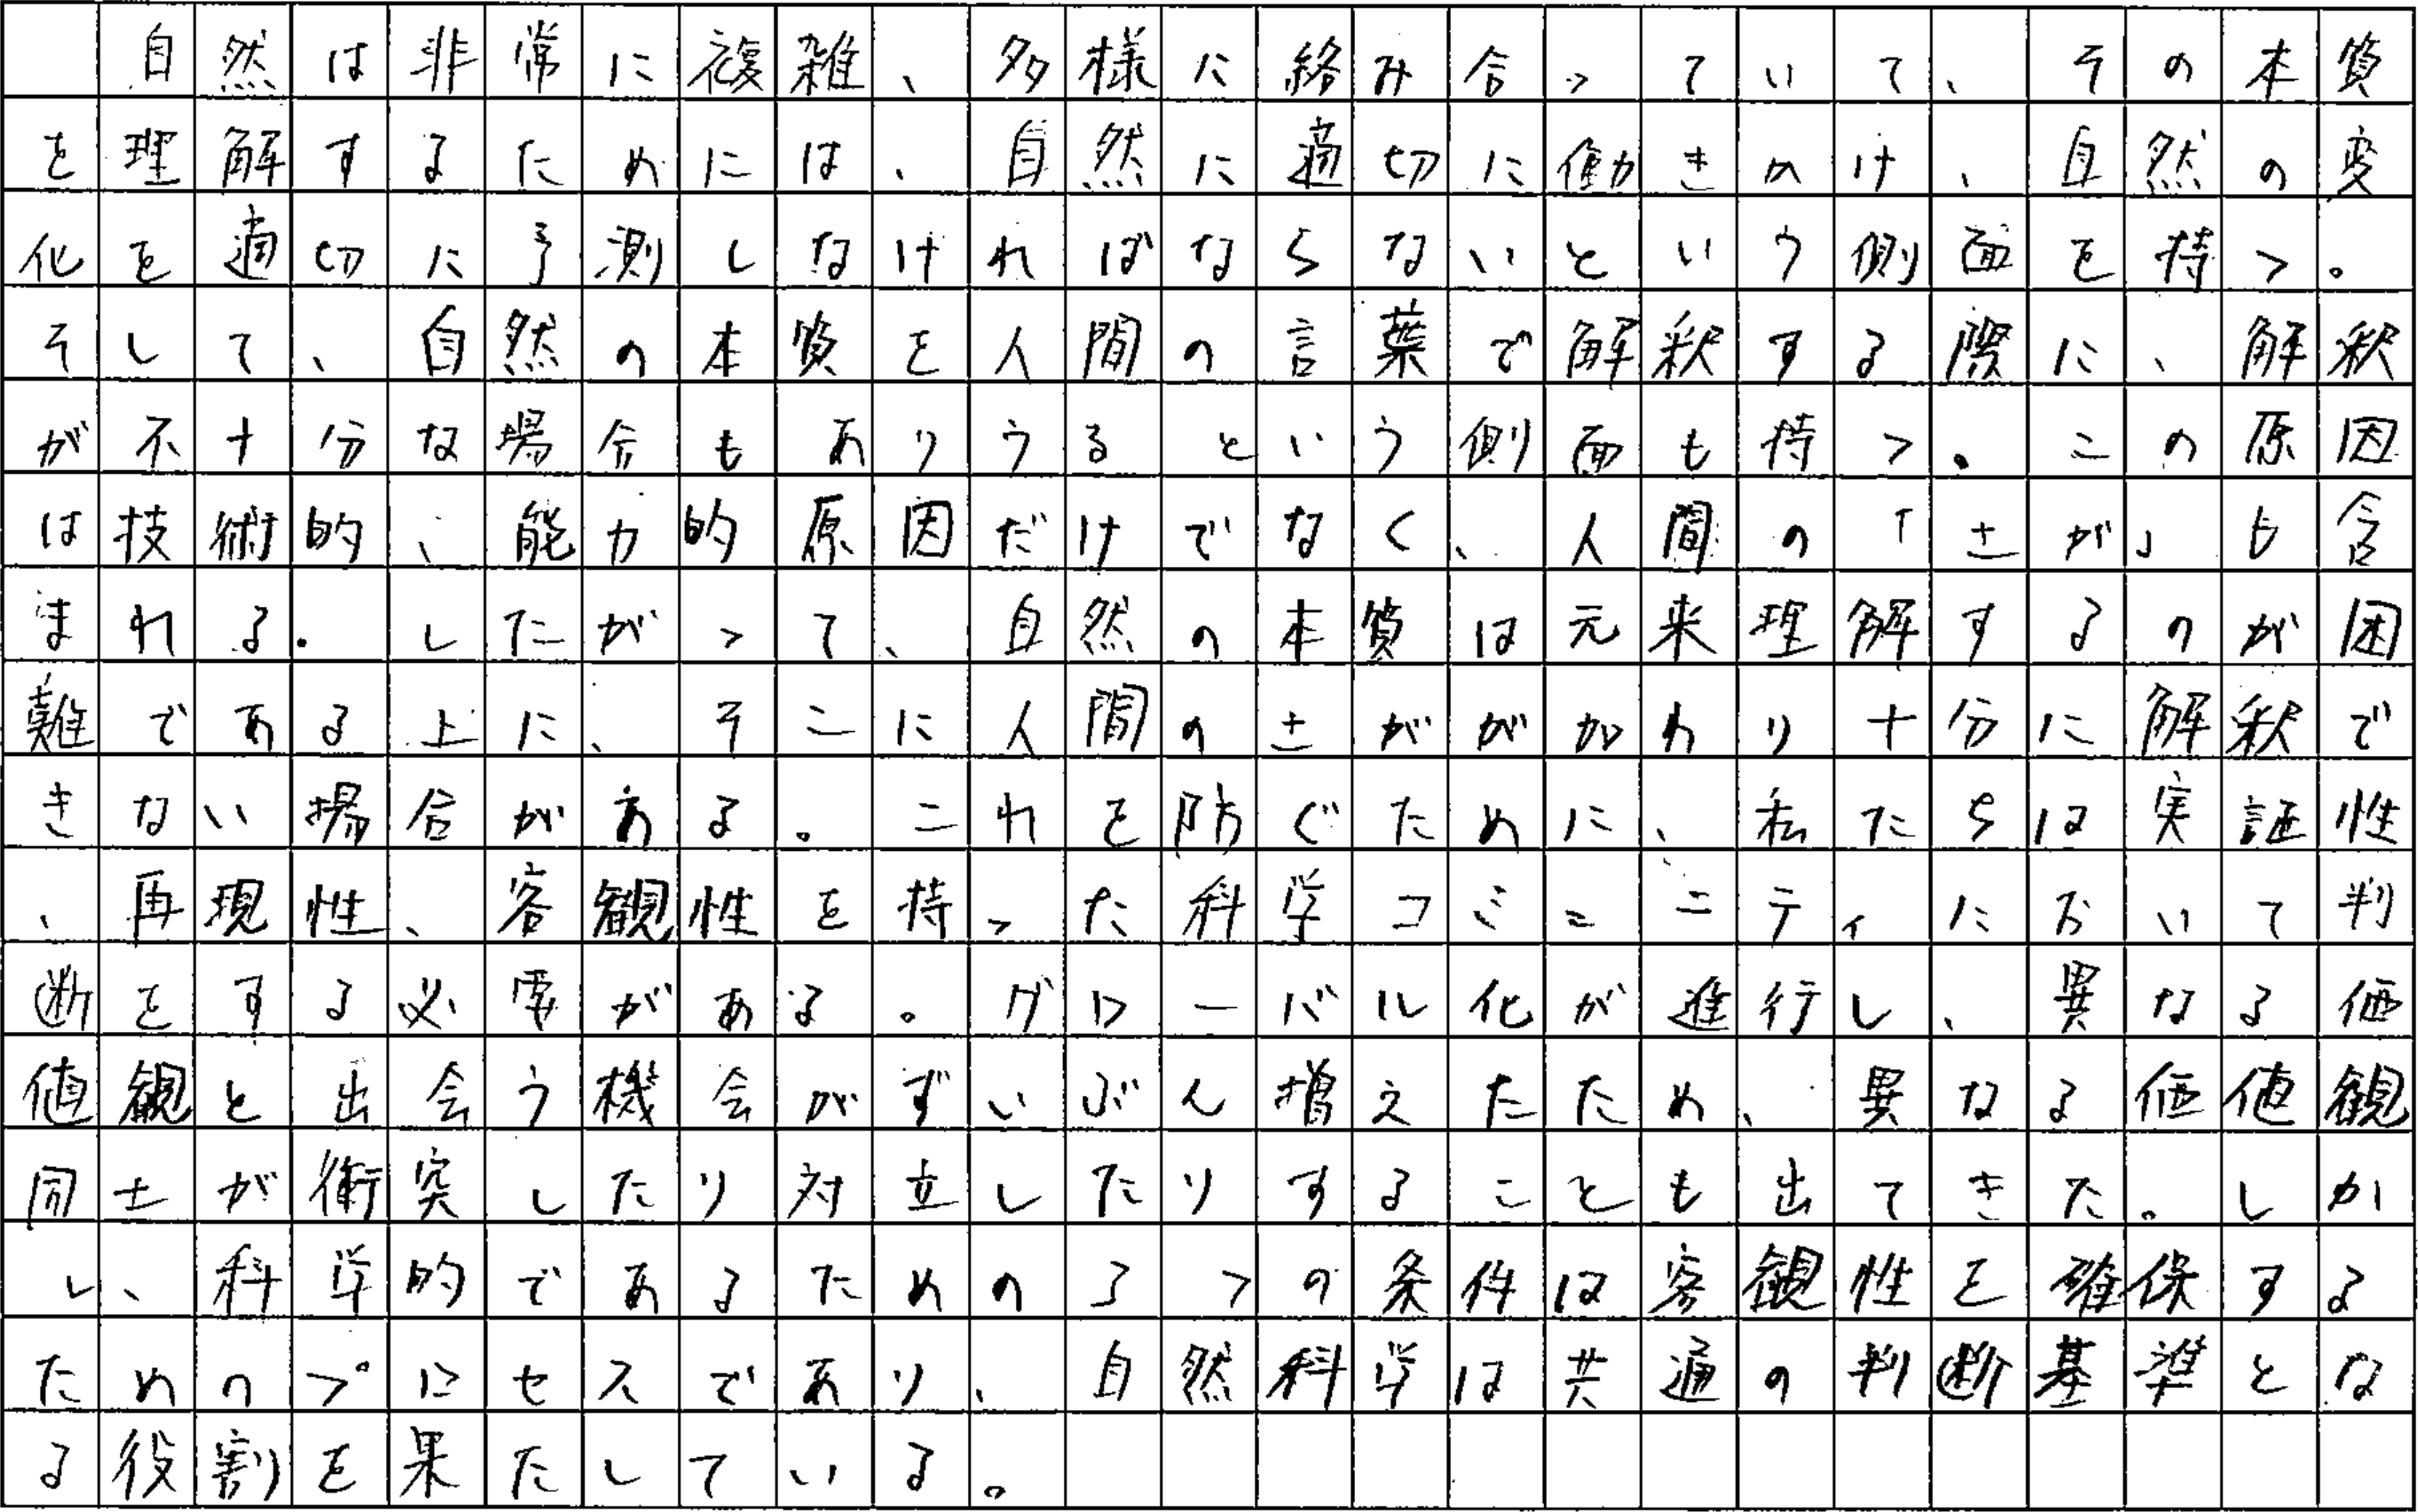　自然は非常に複雑、多様に絡み合っていて、その本質を理解するためには、自然に適切に働きかけ、自然の変化を適切に予測しなければならないという側面を持つ。そして、自然の本質を人間の言葉で解釈する際に、解釈が不十分な場合もありうるという側面も持つ。この原因は技術的、能力的原因だけでなく、人間の「さが」も含まれる。したがって、自然の本質は元来理解するのが困難である上に、そこに人間のさがが加わり十分に解釈できない場合がある。これを防ぐために、私たちは実証性、再現性、客観性を持った科学コミュニティにおいて判断をする必要がある。グローバル化が進行し、異なる価値観と出会う機会がずいぶん増えたため、異なる価値観同士が衝突したり対立したりすることも出てきた。しかし、科学的であるための３つの条件は客観性を確保するためのプロセスであり、自然科学は共通の判断基準となる役割を果たしている。
